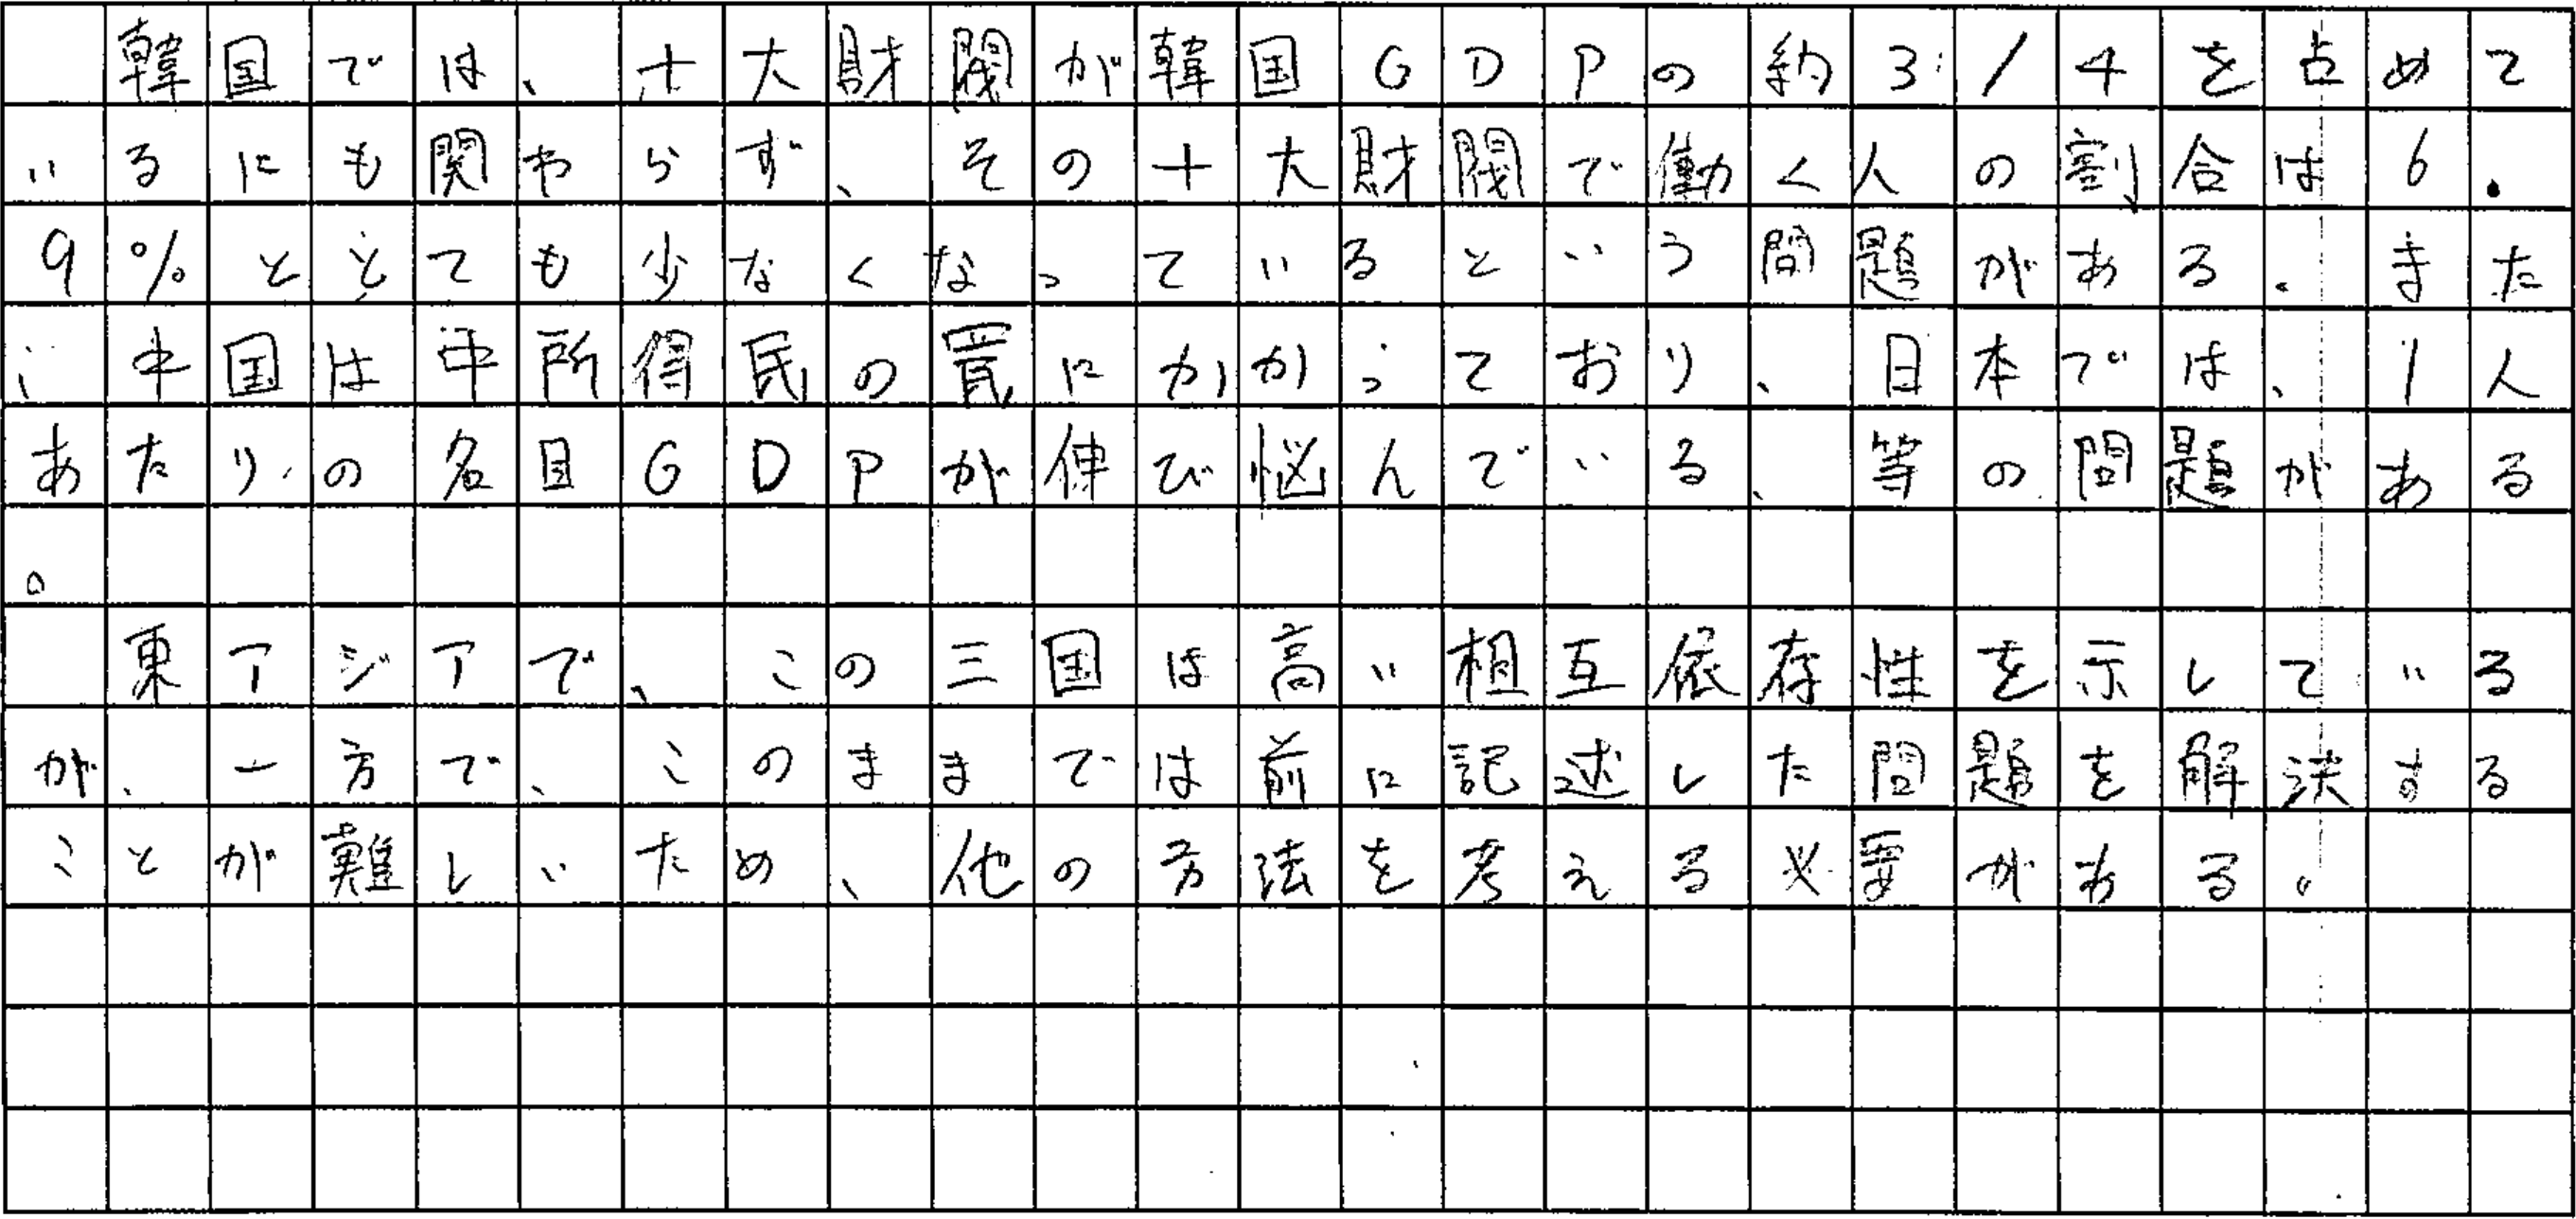　韓国では、十大財閥が韓国ＧＤＰの約３／４を占めているにも関わらず、その十大財閥で働く人の割合は６．９％ととても少なくなっているという問題がある。また、中国は中所得民の罠にかかっており、日本では、１人あたりの名目ＧＤＰが伸び悩んでいる、等の問題がある。
　東アジアで、この三国は高い相互依存性を示しているが、一方で、このままでは前に記述した問題を解決することが難しいため、他の方法を考える必要がある。
